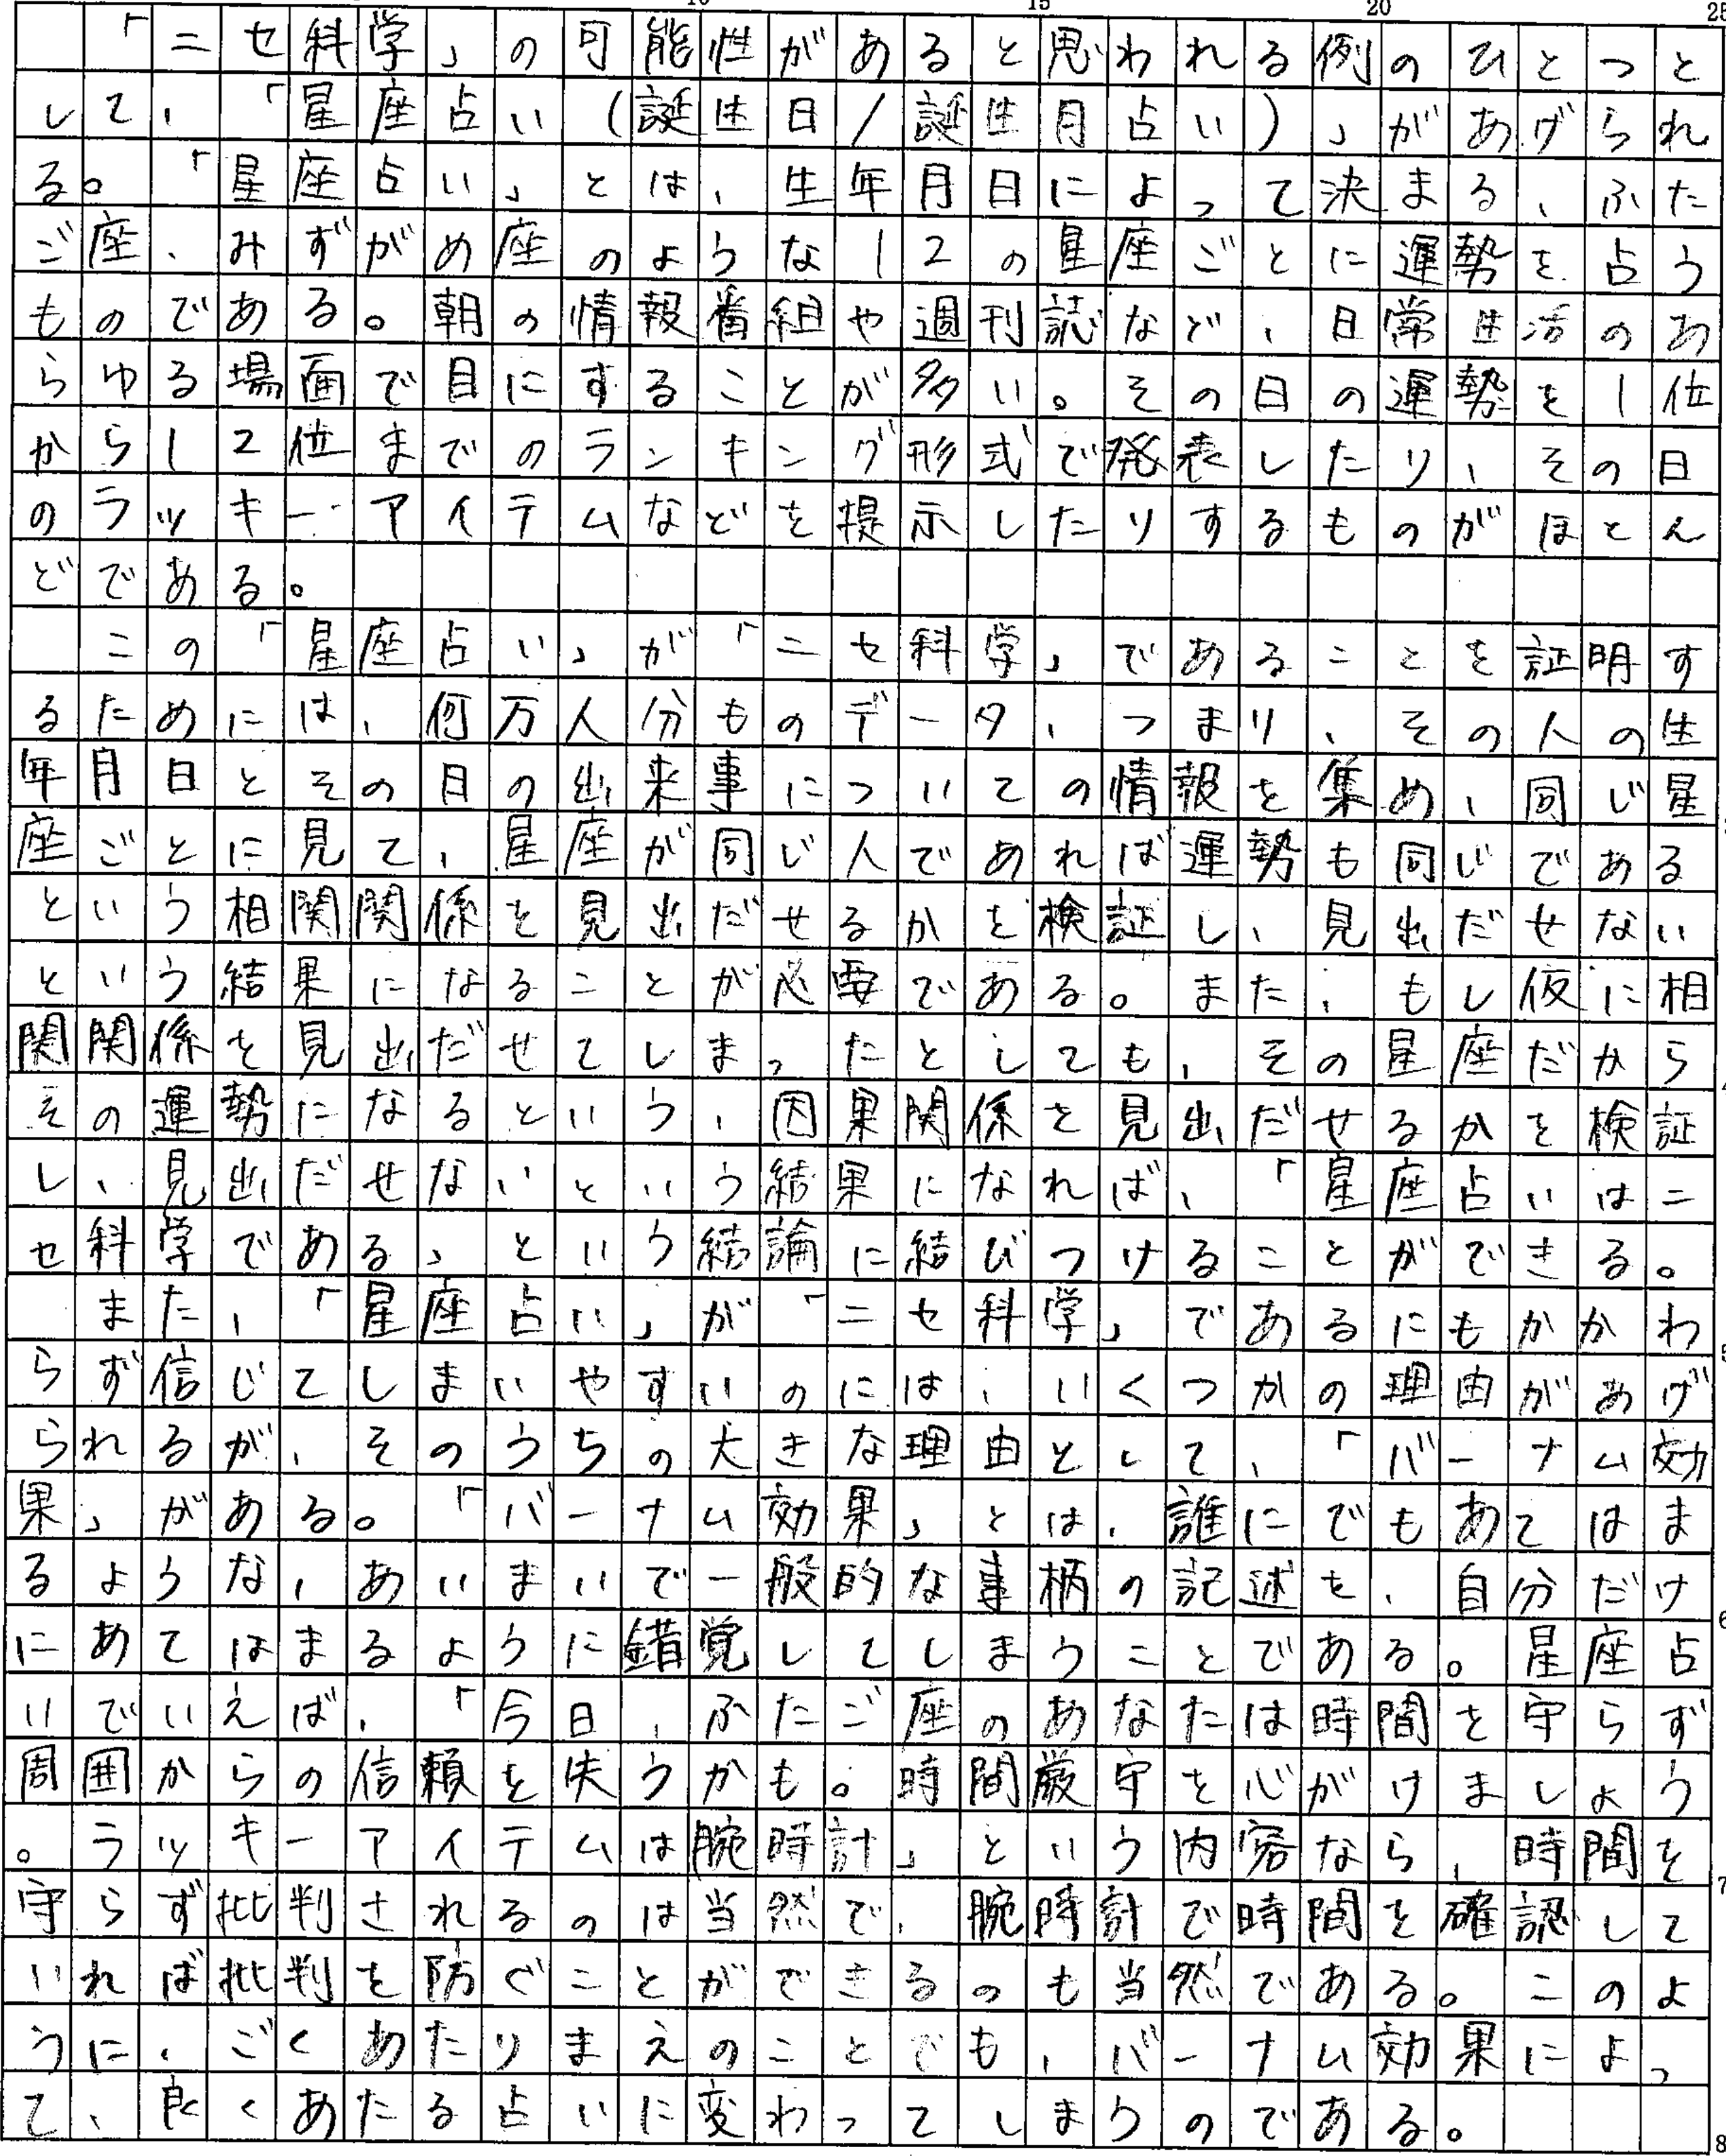　「ニセ科学」の可能性があると思われる例のひとつとして、「星座占い（誕生日／誕生月占い）」があげられる。「星座占い」とは、生年月日によって決まる、ふたご座、みずがめ座のような１２の星座ごとに運勢を占うものである。朝の情報番組や週刊誌など、日常生活のあらゆる場面で目にすることが多い。その日の運勢を１位から１２位までのランキング形式で発表したり、その日のラッキーアイテムなどを提示したりするものがほとんどである。
　この「星座占い」が「ニセ科学」であることを証明するためには、何万人分ものデータ、つまり、その人の生年月日とその日の出来事についての情報を集め、同じ星座ごとに見て、星座が同じ人であれば運勢も同じであるという相関関係を見出だせるかを検証し、見出だせないという結果になることが必要である。また、もし仮に相関関係を見出だせてしまったとしても、その星座だからその運勢になるという、因果関係を見出だせるかを検証し、見出だせないという結果になれば、「星座占いはニセ科学である」という結論に結びつけることができる。
　また、「星座占い」が「ニセ科学」であるにもかかわらず信じてしまいやすいのには、いくつかの理由があげられるが、そのうちの大きな理由として、「バーナム効果」がある。「バーナム効果」とは、誰にでもあてはまるような、あいまいで一般的な事柄の記述を、自分だけにあてはまるように錯覚してしまうことである。星座占いでいえば、「今日、ふたご座のあなたは時間を守らず周囲からの信頼を失うかも。時間厳守を心がけましょう。ラッキーアイテムは腕時計」という内容なら、時間を守らず批判されるのは当然で、腕時計で時間を確認していれば批判を防ぐことができるのも当然である。このように、ごくあたりまえのことでも、バーナム効果によって、良くあたる占いに変わってしまうのである。
